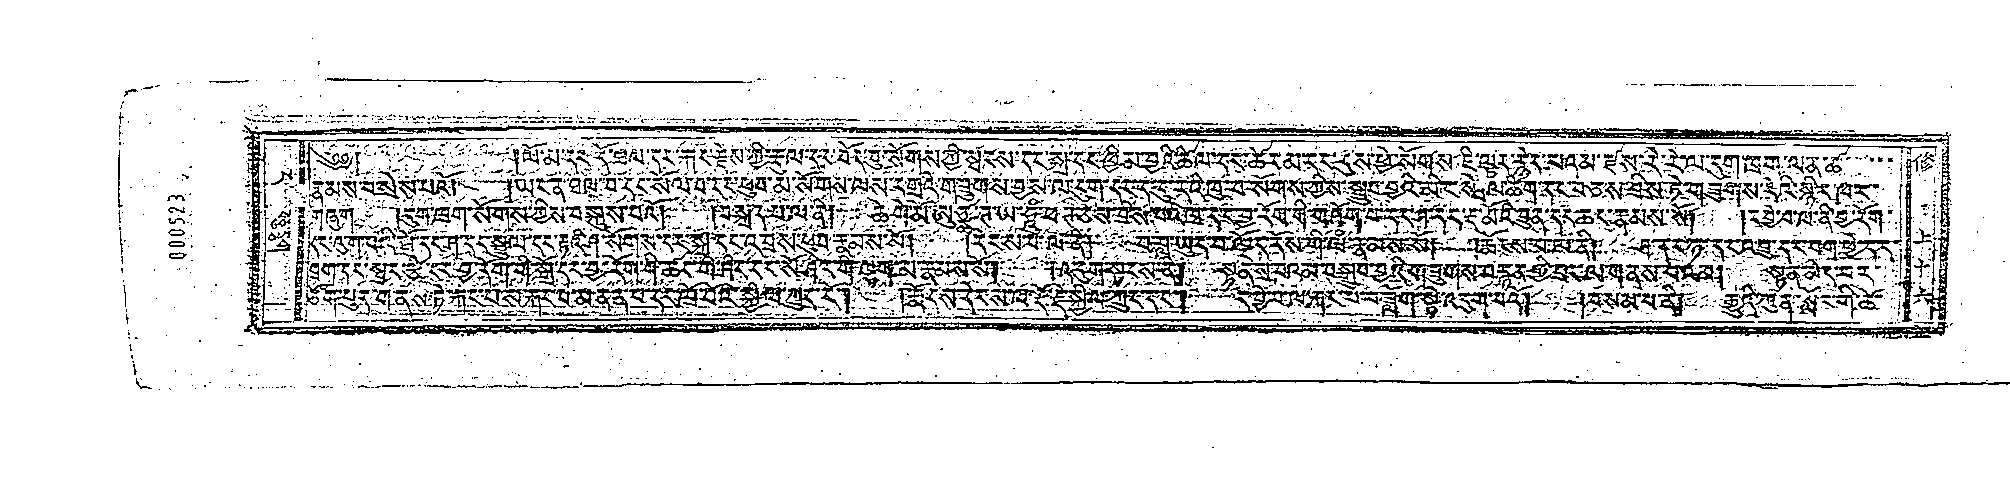༄༅། །ལོ་མ་དང་རོ་ཐལ་དང་རྐང་རྗེས་ཀྱི་རྡུལ་དང་བོར་བུ་སོགས་ཀྱི་སྦངས་དང་སྐྲ་དང་ཁྱིམ་བྱའི་ཚིལ་དང་ཚེར་མ་དང་རུས་ཕྱེ་སོགས་ཇི་ལྟར་རྙེད་པའམ་རྫས་རེ་རེ་ལ་དུག་ཁྲག་ལན་ཚ་
རྣམས་བསྲེས་པའོ། །ཡང་ན་ཐལ་བ་དང་སོལ་བ་དང་ཕུབ་མ་སོགས་ལས་དགྲའི་གཟུགས་བྱས་ལ་དུག་དང་ང་དུ་རའི་ཁུ་བ་སོགས་ཀྱིས་སྒྲུབ་བྱའི་མིང་སྤེལ་ཚིག་དང་བཅས་བྲིས་ཏེ་གཟུགས་དེའི་སྙིང་ཁར་
གཞུག །དུག་ཁྲག་སོགས་ཀྱིས་བསྐུས་པའོ། །བསྐྲ་དཔལ་ནི། ཆེ་གེ་མོ་ཨུཙྪ་ཊ་ཡ་ཧཱཾ་ཕཊ་ཅེས་བྲིས་པའི་ཁྭ་དང་བྱ་རོག་གི་གཤོག་པ་དང་ཤ་དང་རྔ་མོའི་བྲུན་དང་ཆང་རྣམས་སོ། །དབྱེ་བ་ལ་ནི་བྱ་རོག་
དང་འུག་པའི་སྒོ་དང་ཤ་དང་སྦྲུལ་དང་རྟའི་ཤ་སོགས་དང་སྐྲ་དང་འབྲས་ཕུབ་རྣམས་སོ། །རེངས་པ་ལ་ནི། བ་བླུ་ཡུང་བ་ལྔོད་རོས་གི་ཝཾ་རྣམས་སོ། །རྨོངས་པ་ལ་ནི། ཤ་དང་ཉ་དང་འབྲུ་དང་བག་ཕྱེ་དང་
བྲག་དང་སྦྲང་རྩི་དང་བྱ་རོག་གི་སྒྲོ་དང་བྱ་རོག་གི་ཚང་གི་ཤིང་དང་སོ་ཤིང་གི་ལྷག་མ་རྣམས་སོ། །འདུག་སྟངས་ནི། སྟན་སྲ་བའམ་བསྒྲུབ་བྱའི་གཟུགས་བརྙན་གྱི་བྲང་ལ་གནས་པའམ། སྟན་མེད་བར་
ཅོག་པུར་གནས་ཏེ་རྐང་པས་རྐང་པ་མནན་པ་དང་ཁྲོ་བོའི་སྐྱིལ་ཀྲུང་ངོ། །རྨོངས་རེངས་ལ་རྡོ་རྗེ་སྐྱིལ་ཀྲུང་དང་། དབྱེ་བ་ལ་རྐང་པ་བཟློག་སྟེ་འདུག་པའོ། །བསམ་པ་ནི། རྒྱུའི་ཀུན་སློང་གི་ཚེ་